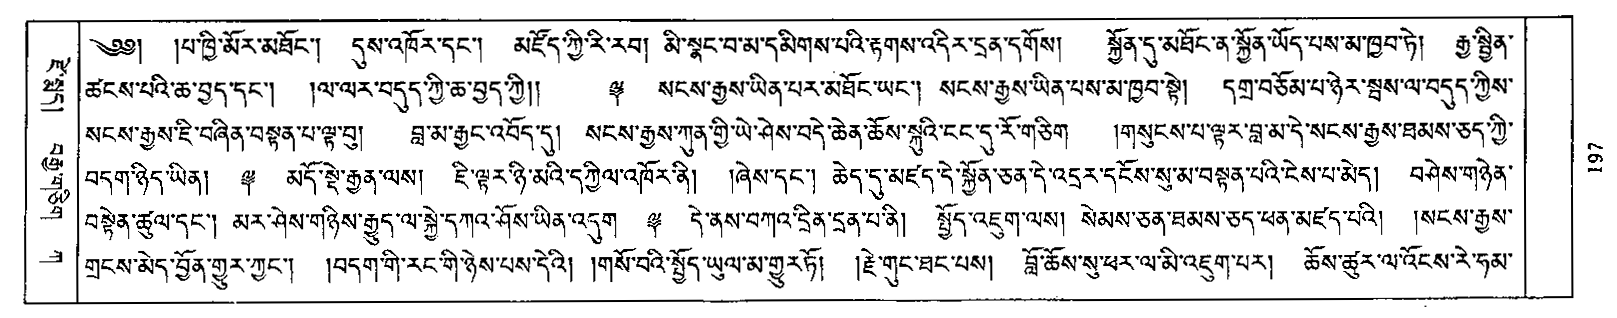༄༅། །པ་ཁྱི་མོར་མཐོང་། དུས་འཁོར་དང་། མཛོད་ཀྱི་རི་རབ། མི་སྣང་བ་མ་དམིགས་པའི་རྟགས་འདིར་དྲན་དགོས། སྐྱོན་དུ་མཐོང་ན་སྐྱོན་ཡོད་པས་མ་ཁྱབ་ཏེ། རྒྱ་སྦྱིན་
ཚངས་པའི་ཆ་བྱད་དང་། །ལ་ལར་བདུད་ཀྱི་ཆ་བྱད་ཀྱི།། ༈ སངས་རྒྱས་ཡིན་པར་མཐོང་ཡང་། སངས་རྒྱས་ཡིན་པས་མ་ཁྱབ་སྟེ། དགྲ་བཅོམ་པ་ཉེར་སྦས་ལ་བདུད་ཀྱིས་
སངས་རྒྱས་ཇི་བཞིན་བསྟན་པ་ལྟ་བུ། བླ་མ་རྒྱང་འབོད་དུ། སངས་རྒྱས་ཀུན་གྱི་ཡེ་ཤེས་བདེ་ཆེན་ཆོས་སྐུའི་ངང་དུ་རོ་གཅིག །གསུངས་པ་ལྟར་བླ་མ་དེ་སངས་རྒྱས་ཐམས་ཅད་ཀྱི་
བདག་ཉིད་ཡིན། ༈ མདོ་སྡེ་རྒྱན་ལས། ཇི་ལྟར་ཉི་མའི་དཀྱིལ་འཁོར་ནི། །ཞེས་དང་། ཆེད་དུ་མཛད་དེ་སྐྱོན་ཅན་དེ་འདྲར་དངོས་སུ་མ་བསྟན་པའི་ངེས་པ་མེད། བཤེས་གཉེན་
བསྟེན་ཚུལ་དང་། མར་ཤེས་གཉིས་རྒྱུད་ལ་སྐྱེ་དཀའ་ཤོས་ཡིན་འདུག ༈ དེ་ནས་བཀའ་དྲིན་དྲན་པ་ནི། སྤྱོད་འཇུག་ལས། སེམས་ཅན་ཐམས་ཅད་ཕན་མཛད་པའི། །སངས་རྒྱས་
གྲངས་མེད་བྱོན་གྱུར་ཀྱང་། །བདག་གི་རང་གི་ཉེས་པས་དེའི། །གསོ་བའི་སྤྱོད་ཡུལ་མ་གྱུར་ཏོ། །རྗེ་གུང་ཐང་པས། བློ་ཆོས་སུ་ཕར་ལ་མི་འཇུག་པར། ཆོས་ཚུར་ལ་འོངས་རེ་ཧམ་